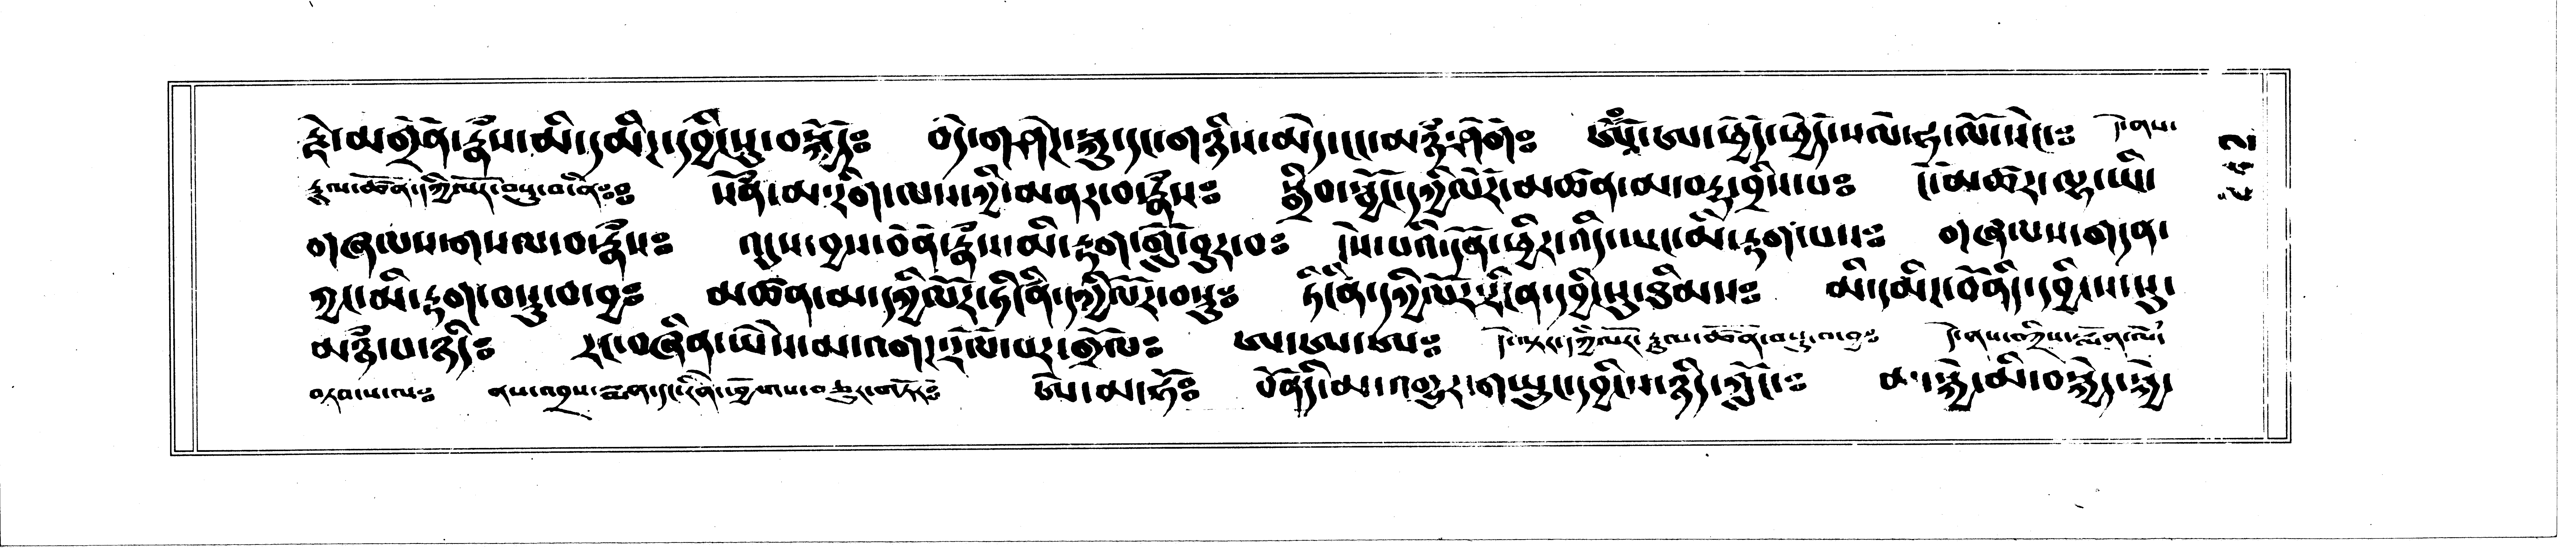རྗེའི་མགྲོན་རྣམས་མི་དམིགས་དབྱིངས་སུ་བསྐྱོདཿ བདེར་གཤེགས་སྐུ་དང་གཉིས་མེད་ངང་མཉམ་ཤོགཿ ཨཱོྃ་ཨ་ཕྱོད་ཕྱོད་ས་ལེ་ཧ་ལོ་སེངཿ དེ་ནས་
རྡུལ་ཚོན་དཀྱིལ་འཁོར་བསྡུ་བ་ནིཿ སེམས་ཅན་མ་རིག་ལས་ཀྱིས་མནར་བ་རྣམསཿ སྒྲིབ་སྦྱང་དཀྱིལ་འཁོར་མཚན་མ་བརྡ་བྲིས་པཿ ངོ་མཚར་ལྷ་ཡི་
གཞལ་ཡས་གསལ་བ་རྣམསཿ འདུས་བྱས་བོན་རྣམས་མི་རྟག་གློ་བུར་བཿ ངེས་པའི་དོན་ཕྱིར་འདི་ཡང་མི་རྟག་པསཿ གཞལ་ཡས་གདན་
ཀྱང་མི་རྟག་བསྡུ་བ་བྱཿ མཚན་མ་དཀྱིལ་འཁོར་ཏིང་འཛིན་དཀྱིལ་འཁོར་བསྡུཿ ཏིང་འཛིན་དཀྱིལ་འཁོར་རང་བཞིན་དབྱིངས་སུ་ཐིམཿ མི་དམིགས་བོན་ཉིད་དབྱིངས་སུ་
མཉམ་པ་ཉིདཿ རང་བཞིན་ཡེ་ཤེས་མ་འགག་རོལ་པར་གྲོལཿ ཨ་ཨ་ཨཿ དེ་ལྟར་དཀྱིལ་འཁོར་རྡུལ་ཚོན་བསྡུ་བ་བྱཿ དེ་ནས་བཀྲ་ཤིས་སྨོན་ལམ་
བཏབ་པ་ལཿ ནས་འབྲས་སྨན་དང་རིན་ཆེན་ཕྱོགས་བཅུར་གཏོརཿ ཨེ་མ་ཧོཿ བོན་ཉིད་མི་འགྱུར་གཡུང་དྲུང་དབྱིངས་ཉིད་ཀློངཿ མ་སྐྱེ་མི་བསྐྱེད་སྐྱེ་